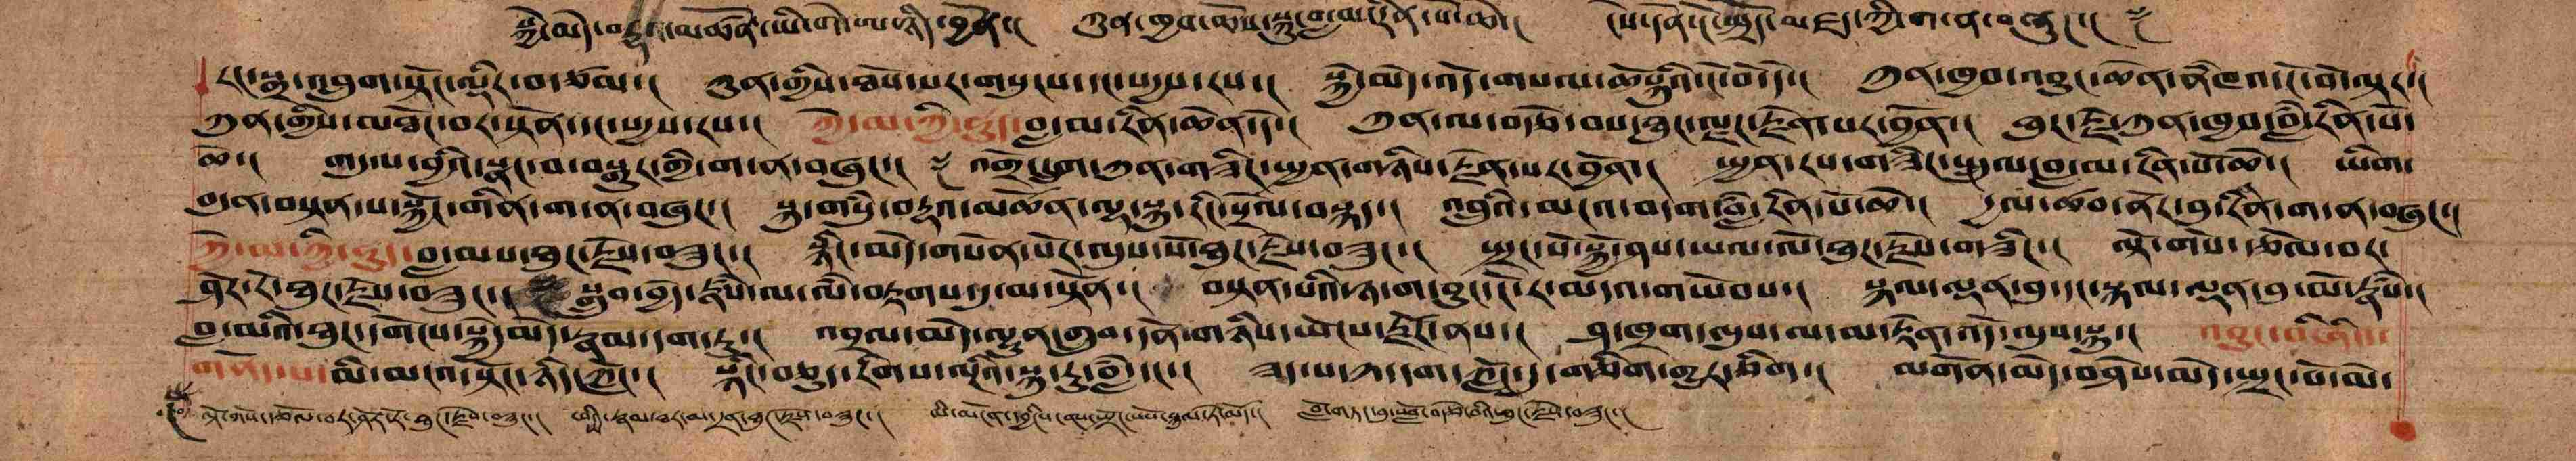རང་སྒྲ་འབྲུག་སྟོང་ལྡིར་བ་ཙམ། ཀུན་གྱིས་ཐོས་པར་གསུངས་དང་སངས་རྒྱས་རས། སྐྱེ་མེད་འོད་གསལ་ཆོས་སྐུའི་ངོ་བོ་དེ། ཀུན་ཁྱབ་འབྱུང་ཆེན་ནམ་མཁའ་ངོ་བོ་ལྟར། 
ཀུན་གྱིས་མཐོང་བར་སྟོན་དང་སངས་རྒྱས་རས། ཀྱེ་མ་ཀྱི་ཧུད་བླ་མ་རིན་ཆེན་དེ། ཀུན་ལ་བརྩེ་བས་ཐུགས་ལྗགས་རྗེན་པར་བྱོན། ཐུགས་རྗེ་ཀུན་ཁྱབ་བླ་མ་རིན་པོ་
ཆེ། གདུལ་བྱའི་སྣང་བ་བསྒྱུར་གྱི་ག་ན་བཞུགས། སྐྱེ་མེད་བདྷའ་མཚོན་ཡི་གེ་ཨ་ཉིད་བྱོན། ཀུན་ཁྱབ་ཆོས་སྐུ་བླ་མ་རིན་པོ་ཆེ། ངེས་དོན་ངོ་སྤྲོད་ཀྱི་ག་ན་བཞུགས། འགྲོ་དྲུག་ཀུན་གཟིགས་སྤྱན་གཉིས་རྗེས་པར་བྱོན། སྤྱན་རས་གཟིགས་སྤྲུལ་བླ་མ་རིན་པོ་ཆེ། ཡིག་
བདུན་བསྟན་པ་སྐྱོང་གིན་ག་ན་བཞུགས། སྐུ་གསུམ་བདྷའ་མཚོན་ལྷ་སྐུ་རིང་སྲེལ་བསྙད། འབྲུའི་མངའ་བདག་བླ་མ་རིན་པོ་ཆེ། རྒྱལ་ཚབ་ནོར་བུ་རིན་ཆེན་གདན་བཞུགས། 
ཀྱེ་མ་ཀྱི་ཧུད་བླ་མས་ཐུགས་རྗེས་བཟུང་། སྙིང་མེད་གསོན་པོར་ལུས་པོ་ཐུགས་རྗེས་བཟུང་། སྤྲང་པོ་སྐྱོ་ཤས་ཡལ་ལོ་ཐུགས་རྗེས་གཟིགས། ལྟོ་གོས་རྩོལ་བར་
ཤོར་རོ་ཐུགས་རྗེས་བཟུང་།(ལྟོ་གོས་རྩོལ་བར་ཤོར་རོ་ཐུགས་རྗེས་བཟུང་། ཕ་ཡི་རྣམ་ཐར་མ་དྲན་ཐུགས་རྗེས་བཟུང་། མི་མངོན་དབྱིངས་ནས་སྤྲོང་པོས་སྐུལ་ཏེ་མཛད། བློ་གཏད་བུ་སློབ་བརྩེ་བའི་ཐུགས་རྗེས་བཟུང་། ) སྒྲུབ་བྱེད་རྣམས་ལ་ལི་བརྟགས་དུ་མ་སྟོན། བསྟན་པའི་ཉ་ག་བྱུང་ངོ་ར་མདའ་གཡོབས། སྐལ་ལྡན་བུ་དང་སྐལ་ལྡན་བུ་མོ་རྣམས། 
བླ་མའི་ཐུགས་དགོངས་སྐྱེ་མེད་རྣམ་དག་ཏུ། འབྲལ་མེད་ལྷུན་གྲུབ་དོན་གཉིས་ཡོངས་རྫོགས་ནས། ཤ་ཁྲག་ལུས་ལ་མ་རྟེན་འོད་ལུས་སྐུ། འབྱུང་བཞིའི་
གནོད་པ་མི་མངའ་སྟོང་ཉིད་ཀློང་། སྙིང་བཅུད་རིགས་ལྔའི་སྐུ་རུ་བླ་མ་དང་། ཟད་པ་ཀ་དག་ཀློང་དུ་གཅིག་གྱུར་ཅིག། མགོན་མེད་བཤེས་མེད་སྤྲང་པོ་མེ་